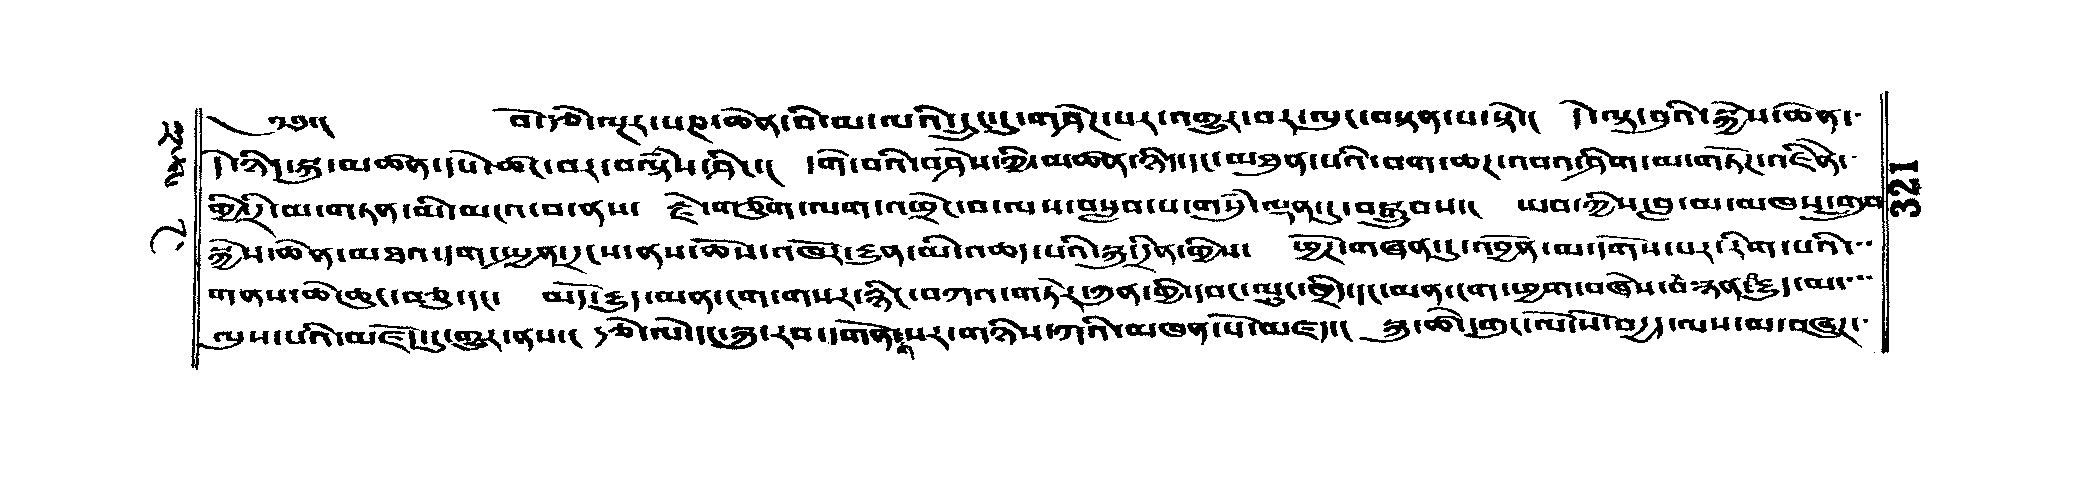བོ་རྩེ་ལྔར་པཎ་ཆེན་བི་མ་ལའི་དྲུང་དུ་གཤེགས་པར་འགྱུར་བར་ལུང་བསྟན་པ་སྟེ།དེ་ལྟ་བུའི་སྐྱེས་ཆེན་
དེ་ཉིད་སྐུ་མཚན་དཔེ་ཚང་བར་བལྟམས་ཤིང་། དགེ་བའི་བཤེས་ཀྱི་མཚན་ཉིད་དང་མཐུན་པའི་བག་ཆགས་འབའ་ཞིག་མ་གཏོགས་འཇིག་རྟེན་
གྱི་དྲི་མ་གཏན་མི་མངའ་བ་ནས། རྗེ་གཙུག་ལག་འཕྲེང་བ་ལས་བསླབ་པ་གསུམ་ལྡན་དུ་བསྒྲུབས། ཡབ་ཀྱིས་བླ་མ་མཁས་གྲུབ་
སྐྱེས་ཆེན་མཐའ་དག་སྤྱན་དྲངས་ནས་ཆོས་འཁོར་རྒྱུན་མི་ཆད་པའི་སྐུ་དྲིན་གྱིས། ཕྱོགས་གཞན་དུ་བྱོན་མ་དགོས་པར་རིག་པའི་
གནས་ཆེ་ཆུང་བཅུ་དང་། མདོ་རྒྱུད་མན་ངག་གསར་རྙིང་བཀའ་གཏེར་ཀུན་གྱི་དབང་ལུང་ཁྲིད་དང་མན་ངག་ཕྱག་བཞེས་སྙན་བརྒྱུད་མ་
ལུས་པའི་མཛོད་དུ་གྱུར་ནས། རྩེ་ལེ་དང་སྐུ་རབ་དགོན་གསར་གཉིས་ཀའི་མཁན་པོ་མཛད། སྐུ་ཚེ་དགུང་ལོ་སོ་བརྒྱད་ལས་མ་བཞུགས་